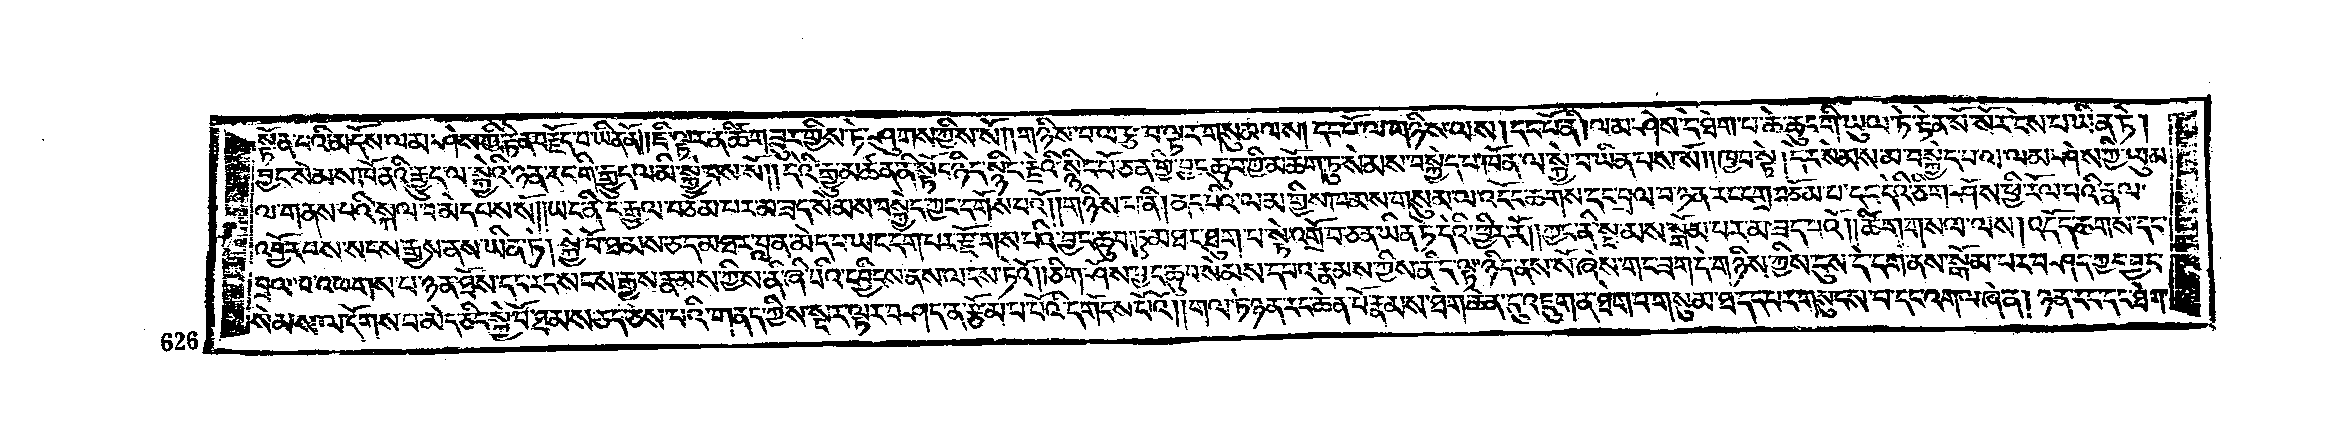སྟོན་པའི་མདོས་ལམ་ཤེས་ཀྱི་རྟེན་བརྗོད་པ་ཡིན་ནོ། །ཇི་ལྟར་ན་ཚིག་ཟུར་གྱིས་ཏེ་ཤུགས་ཀྱིས་སོ། །གཉིས་པ་ལ་རྩ་བ་ལྟར་གསུམ་ལས། དང་པོ་ལ་གཉིས་ལས། དང་པོ་ནི། ལམ་ཤེས་དེ་ཐེག་པ་ཆེ་ཆུང་གི་ཡུལ་ཏེ་རྟེན་སོ་སོར་ངེས་པ་ཡིན་ཏེ།
བྱང་སེམས་ཁོ་ནའི་རྒྱུད་ལ་སྐྱེའི་ཉན་རང་གི་རྒྱུད་ལ་མི་སྐྱེ་བས་སོ། །དེའི་རྒྱུ་མཚན་ནི་སྟོང་ཉིད་སྙིང་རྗེའི་སྙིང་པོ་ཅན་གྱི་བྱང་ཆུབ་ཀྱི་མཆོག་ཏུ་སེམས་བསྐྱེད་པ་ཁོ་ན་ལ་སྐྱེ་བ་ཡིན་པས་སོ། །ཁྱབ་སྟེ། དེར་སེམས་མ་བསྐྱེད་པ་ལ་ལམ་ཤེས་ཀྱི་ཡུམ་
ལ་གནས་པའི་སྐལ་བ་མེད་པས་སོ། །ཡང་ནི་ང་རྒྱལ་བཅོམ་པར་མ་ཟད་སེམས་བསྐྱེད་ཀྱང་དགོས་པའོ། །གཉིས་པ་ནི། ནད་པའི་ལམ་གྱིས་ཁམས་གསུམ་ལ་འདོད་ཆགས་དང་བྲལ་བ་ཉན་རང་དགྲ་བཅོམ་པ་དང་དེའི་ཅིག་ཤོས་ཕྱི་རོལ་པའི་རྣལ་
འབྱོར་བས་སངས་རྒྱས་ནས་ཡིན་ཏེ། སྐྱེ་བོ་ཐམས་ཅད་མཐར་བླ་ན་མེད་པ་ཡང་དག་པར་རྫོགས་པའི་བྱང་ཆུབ་ཏུ་མཐར་ཐུག་པ་སྟེ་འགྲོ་བ་ཅན་ཡིན་ཏེ་དེའི་ཕྱིར་རོ། །ཀྱང་ནི་སྔ་མས་སྒོམ་པར་མ་ཟད་པའོ། །ཚིག་གསལ་ལས། འདོད་ཆགས་དང་
བྲལ་བ་འཕགས་པ་ཉན་ཐོས་དང་རང་སངས་རྒྱས་རྣམས་ཀྱིས་ནི་ཞི་པའི་དབྱིངས་ནས་ལངས་ཏེའོ། །ཅིག་ཤོས་བྱང་ཆུབ་སེམས་དཔའ་རྣམས་ཀྱིས་ནི་ད་ལྟ་ཉིད་ནས་སོ་ཞེས་གང་ཟག་དེ་གཉིས་ཀྱིས་དུས་དེ་དག་ནས་སྒོམ་པར་བཤད་ཀྱང་བྱང་
སེམས་ལ་དོགས་པ་མེད་ཅིང་སྐྱེ་བོ་ཐམས་ཅད་ཅེས་པའི་གནད་ཀྱིས་སྔར་ལྟར་བཤད་ན་རྩོམ་པ་པོའི་དགོངས་པོའོ། །གལ་ཏེ་ཉན་རང་ཆེན་པོ་རྣམས་ཐེག་ཆེན་དུ་འཇུག་ན་ཐེག་པ་གསུམ་ཐ་དད་པར་གསུངས་པ་དང་འགལ་ཞེ་ན། ཉན་རང་དང་ཐེག་